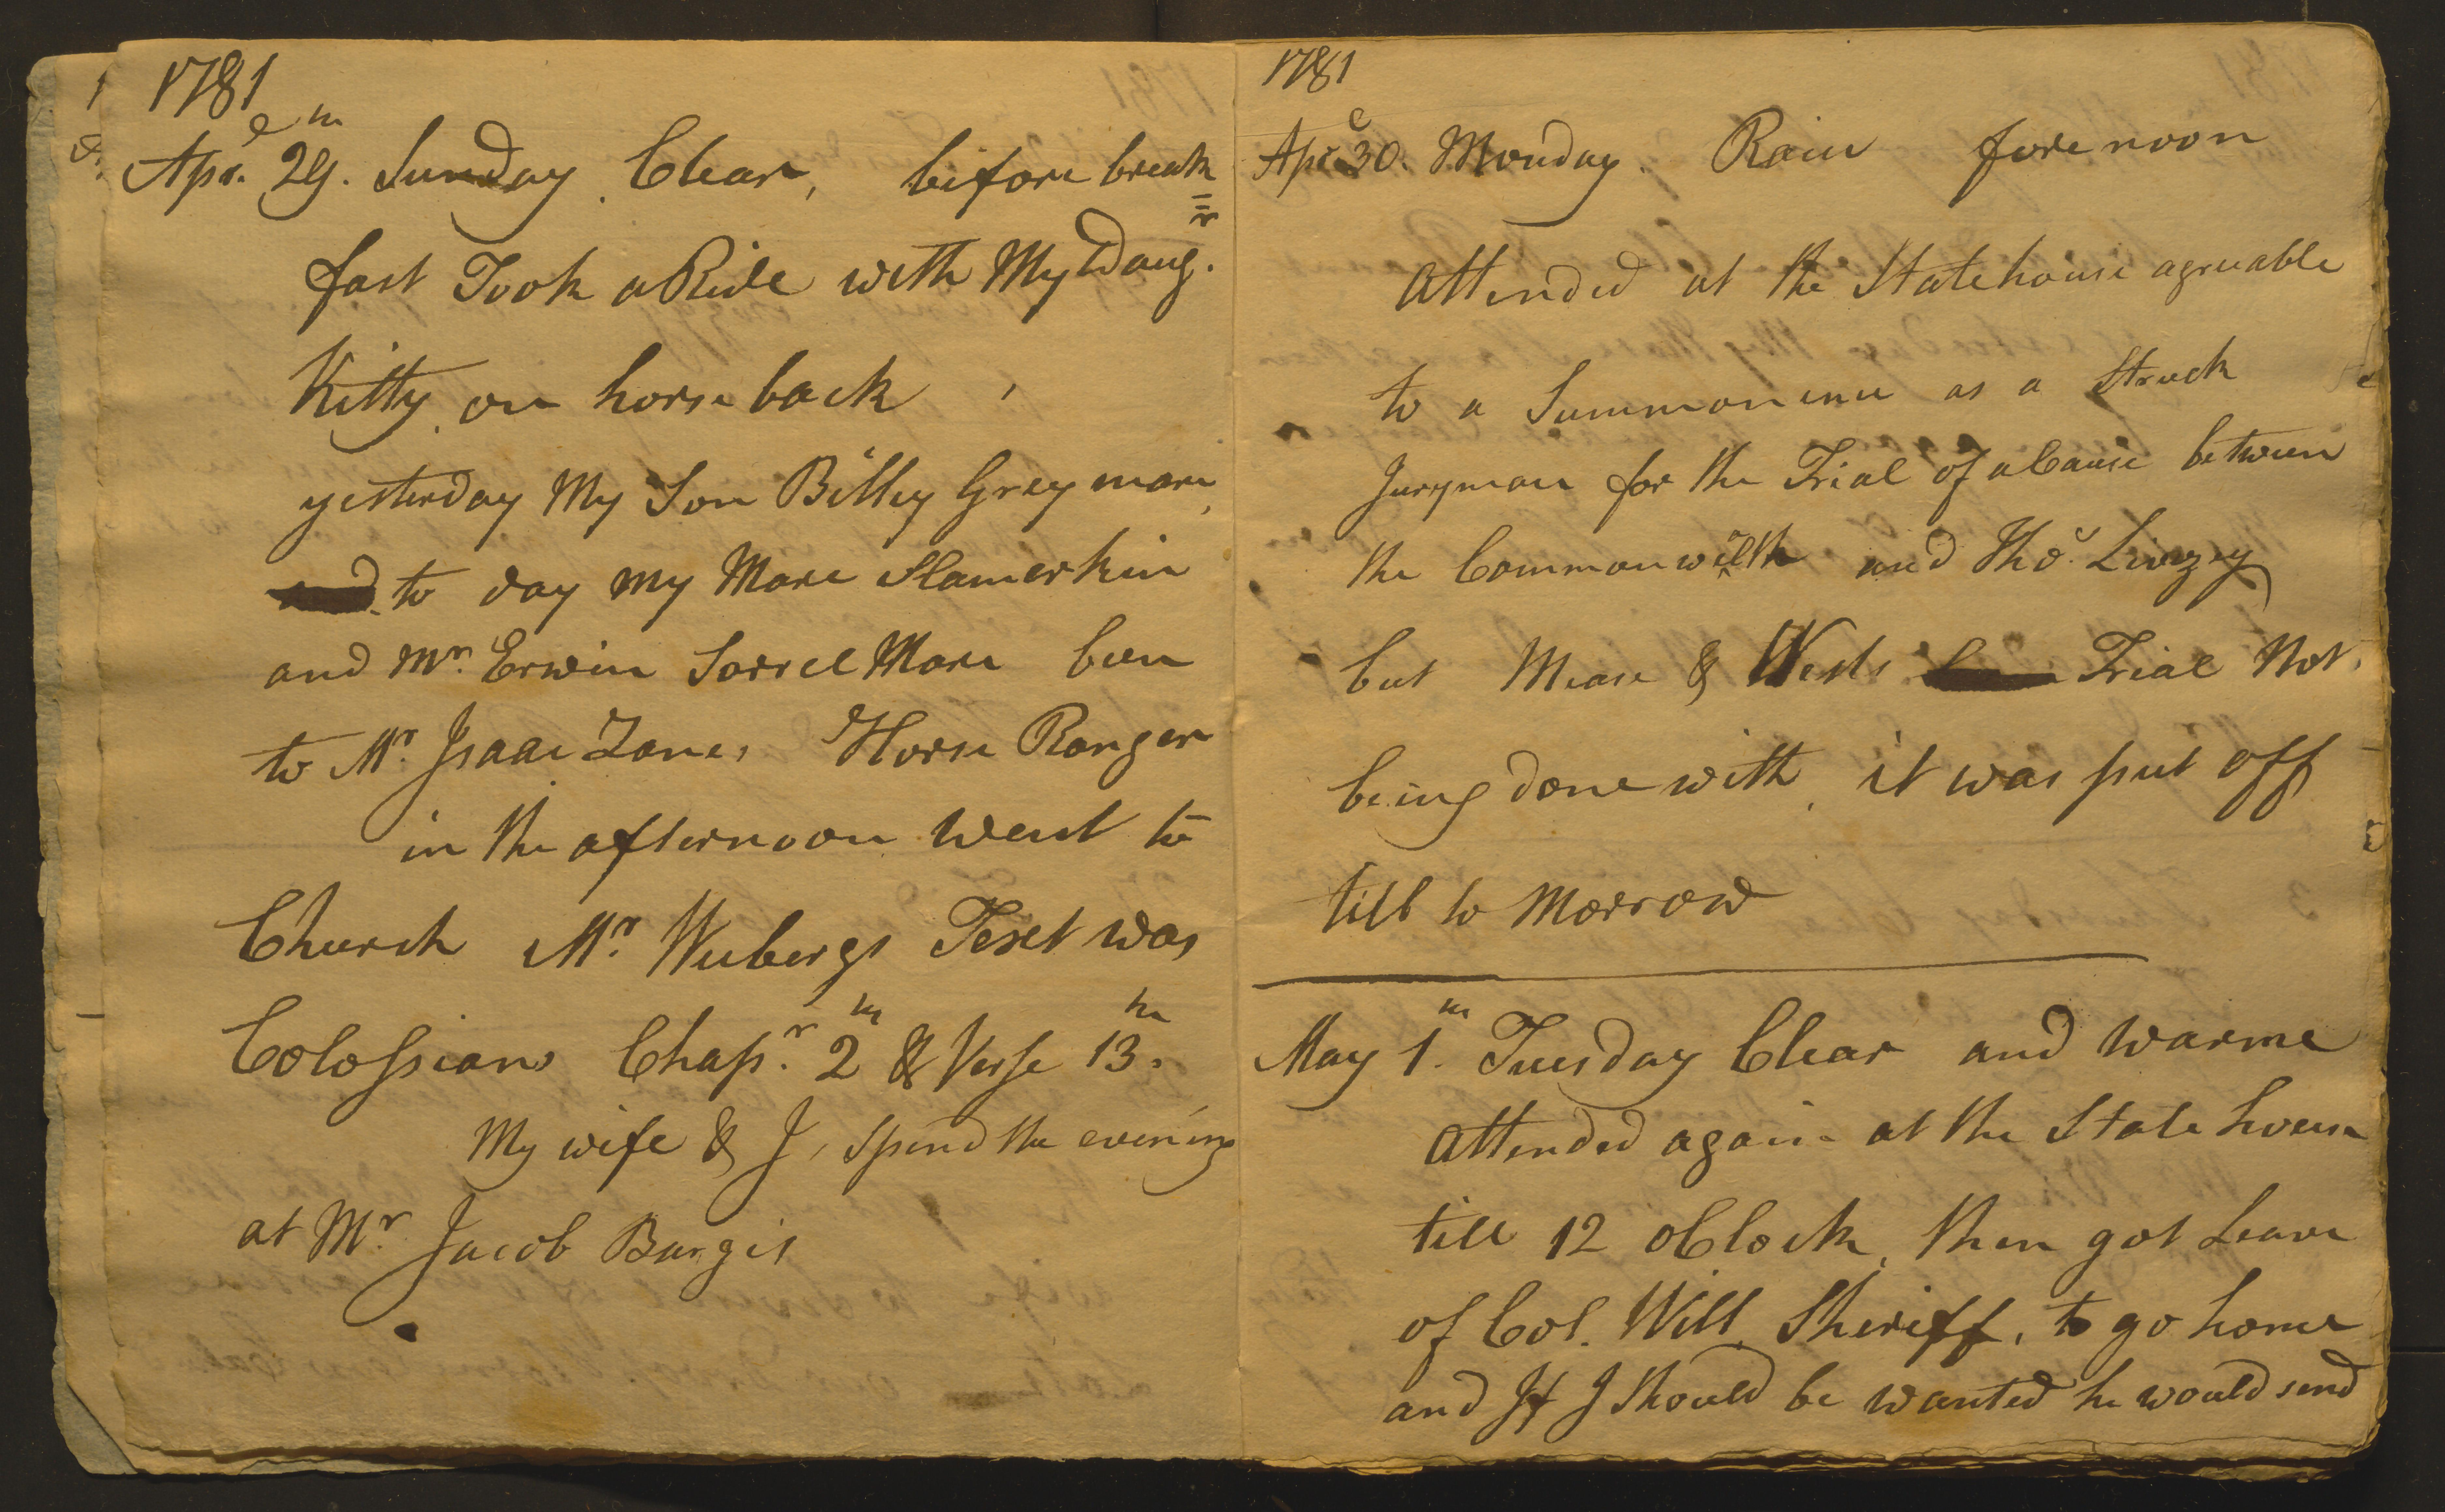1781
Aprl. 29^th. Sunday Clear, before break
fast Took a Ride with My Daug^r.
Kitty or horse back
yesterday My Son Billey Grey mare
[and] to day My Mare Slamerken
and M^r. Erwin Sorrel Mare been
to M^r. Isaac Zanes Horse Ranger
in the afternoon went to
Church M^r. Weibergs Text was
Colossians Chap^r. 2^th & Verse 13^th.
My wife & I Spend the evening
at M^r. Jacob Barges
1781
Apr^l 30. Monday. Rain forenoon
attended at the State house agreeable
1 a Summonence as a Struck
Juryman for the Trial of a Cause between
The Commonwe^alth and Tho^s. Livezey
but Mease & Wests [____] Trial Not.
being done with it was put off
till to Morrow
May 1^th. Tuesday Clear and warme
Attended again at the State house
till 12 oClock Then got Leave
of Col Wilt Sheriff, to go home
and If I should be wanted he would send